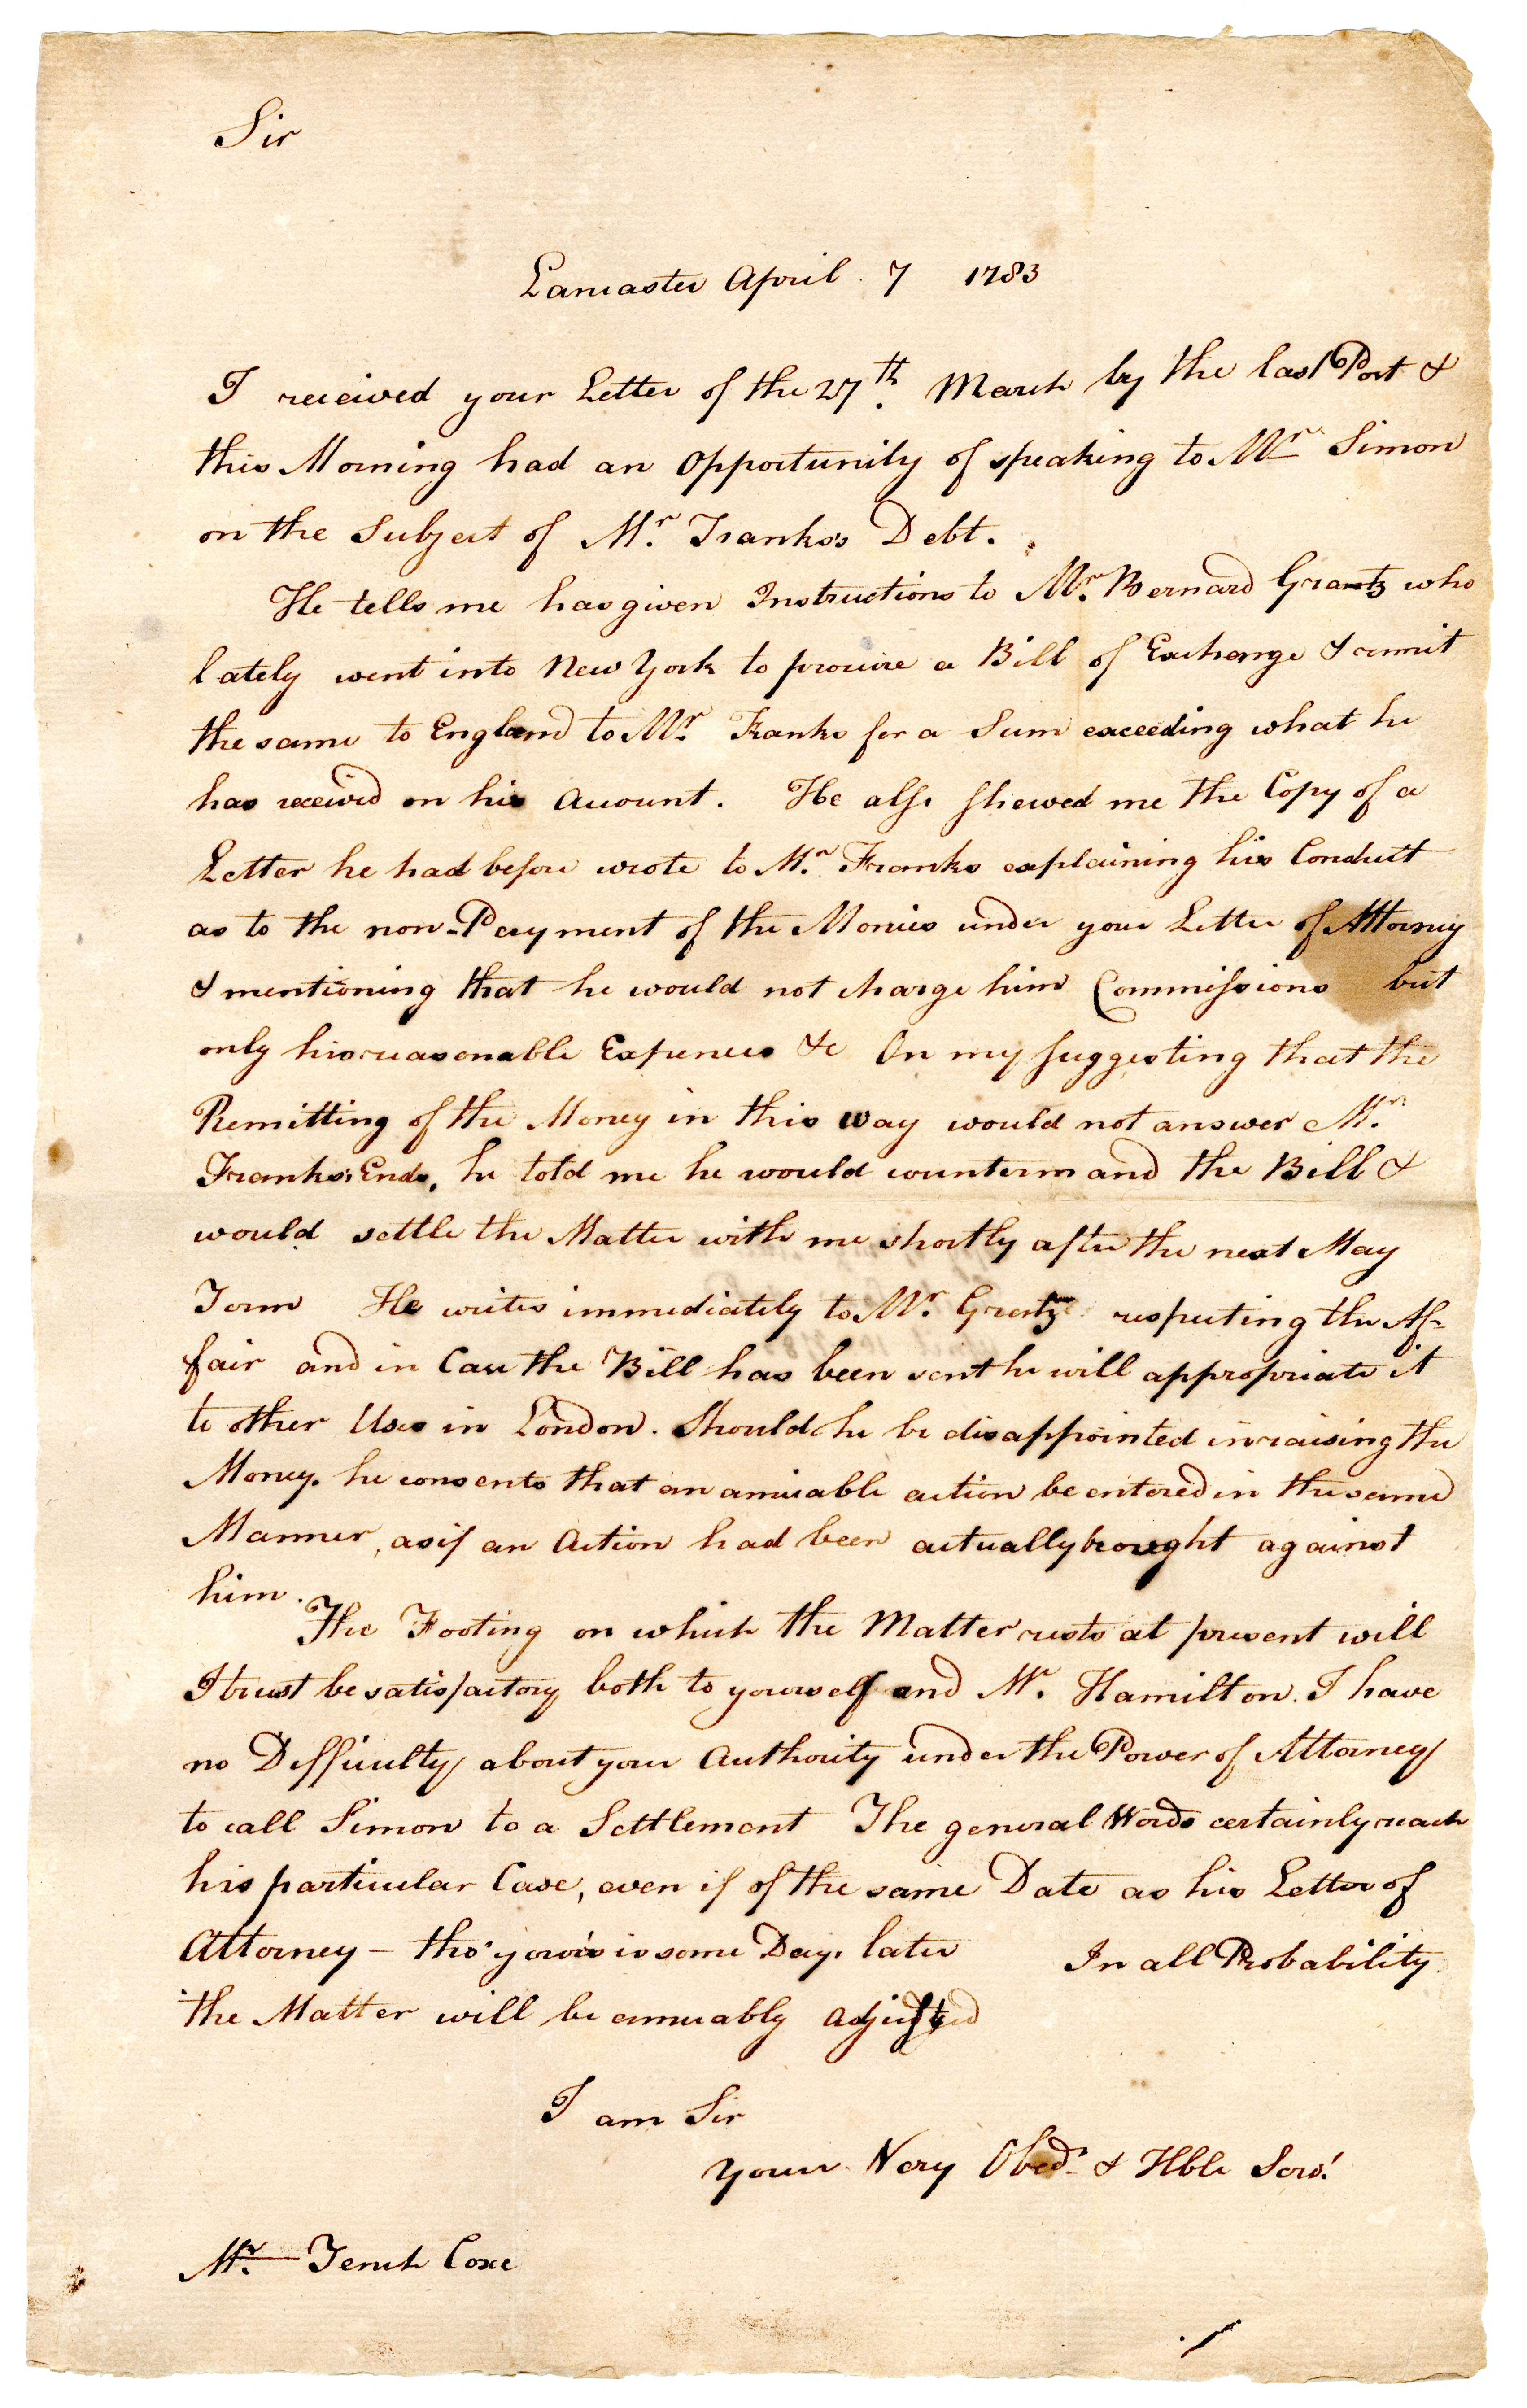Lancaster April. 7 1783
Sir
I received your Letter of the 27^th March by the last Post &
this Morning had an opportunity of speaking to M^r Simon
on the Subject of M^r. Franks's Debt.
He tells me has given Instructions to M^r. Bernard Grantz who
lately went into New York to procure a Bill of Exchange & remit
the same to England to M^r. Fanke for a Sum exceeding what he
has received on his Account. He also showed me the Copy of a
Letter he had before wrote to M^r. Franks explaining his Conduct
as to the now Payment of the Monies under your Letter of Attorney
& mentioning that he would not charge him Commissions but
only his reasonable Expences &c On my suggesting that the
Remitting of the Money in this way would not answer M^r.
Franks's Ends, he told me he would counterm and the Bill &
would settle the Matter with me shortly after the next May
Term. He writes immediately to M^r. Gratz: respecting the Af-
-fair and in Case the Bill has been sent he will appropriate it
to other Use in London. Should he be disappointed in raising the
Money. he consents that an amiable action be entered in the same
Manner, as if an Action had been actually brought against
him.
The Footing on which the Matter rests at present will
I trust be satisfactory both to yourself and M^r. Hamilton. I have
no Difficulty about your Authority under the Power of Attorney
to call Simon to a Settlement. The general Words certainly reach
his particular Case, even if of the same Date as his Letter of
Attorney- tho' your's is some Days later
In all Probability.
The Matter will be amicably adjusted
I am Sir
your Very Obed^t. & Hble Serv^t.
M^r. Tench Coxe